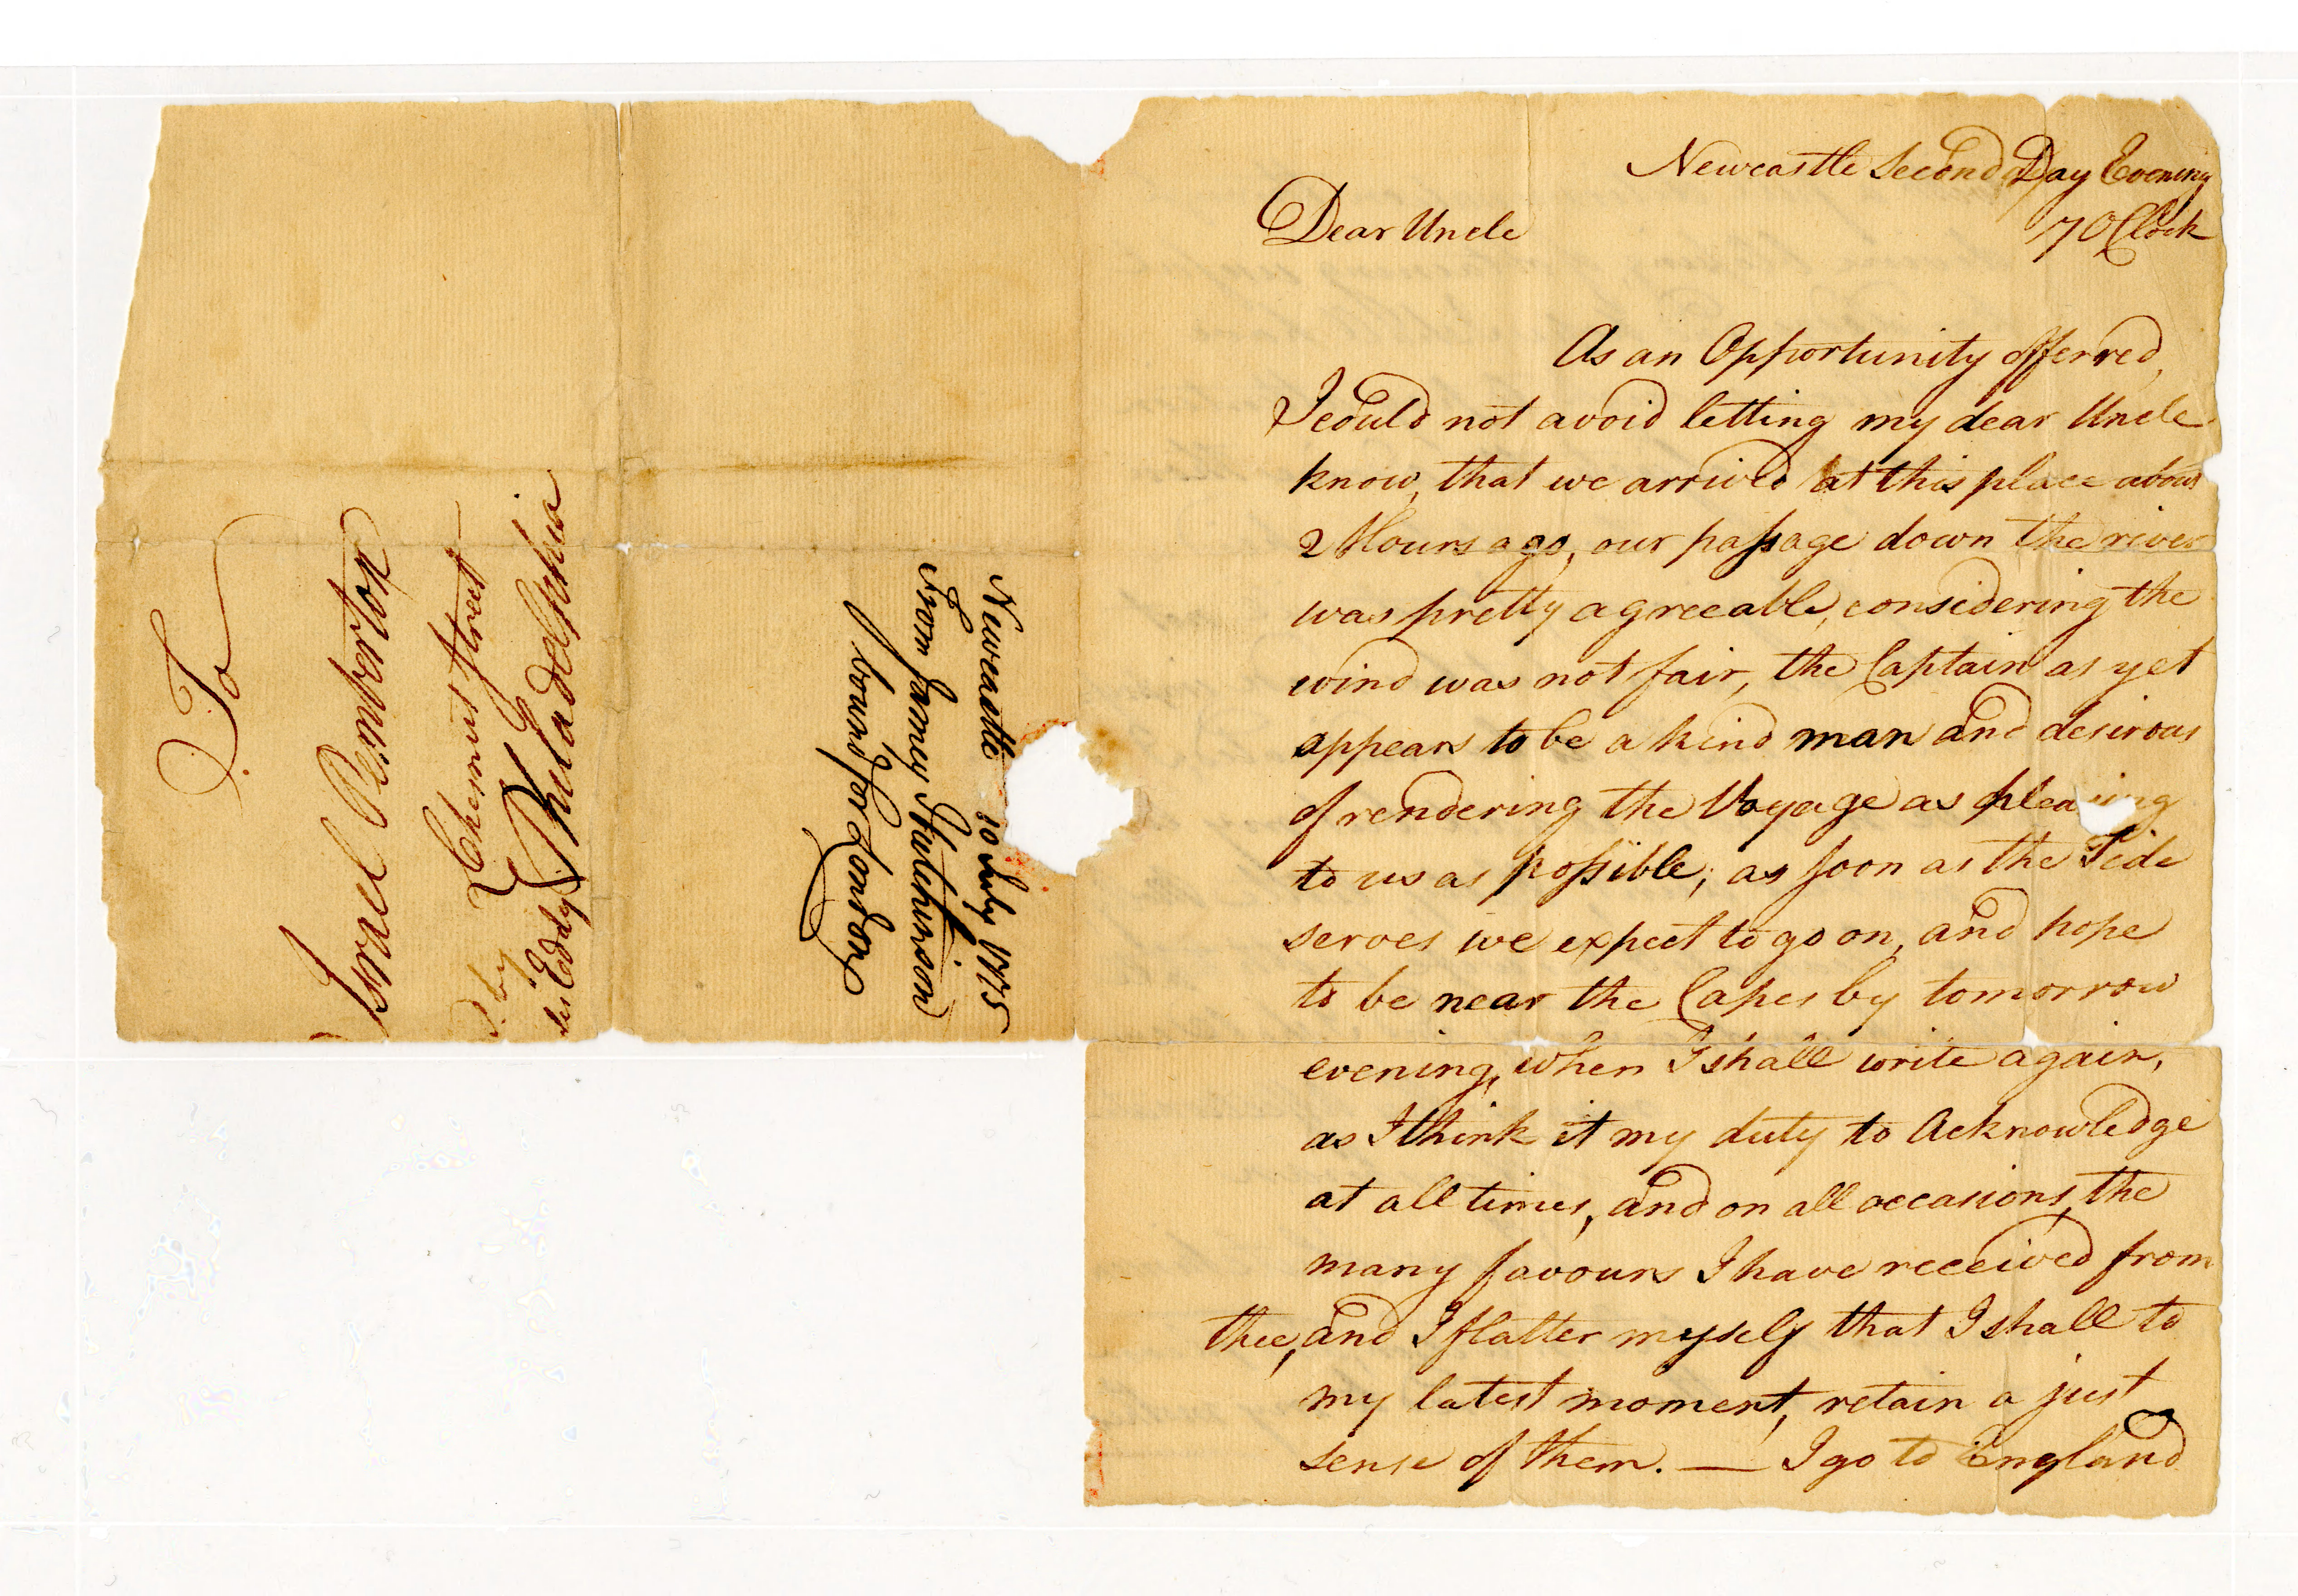To
Israel Pemberton
Chestnut Street
by
der Eddy Philadelphia
Newcastle 10 July 1775
From Jamey Hutchinson
bound for London
Newcastle Second Day Evening
7 oClock
Dear Uncle
As an Opportunity offered,
I could not avoid letting my dear Uncle
know, that we arrived at this place about
2 Hours ago, our passage down the river
was pretty agreeable, considering the
wind was not fair, the Captain as yet
appears to be a kind man and desirous
of rendering the Voyage as pleasing
to us as possible, as soon as the Tide
serves we expect to go on, and hope
to be near the Capes by tomorrow
evening, when I shall write again,
as I think it my duty to acknowledge
at all times, and on all occasions, the
many favours I have received from
thee, and I flatter myself that I shall to
my latest moment, retain a just
sense of them.- I go to England